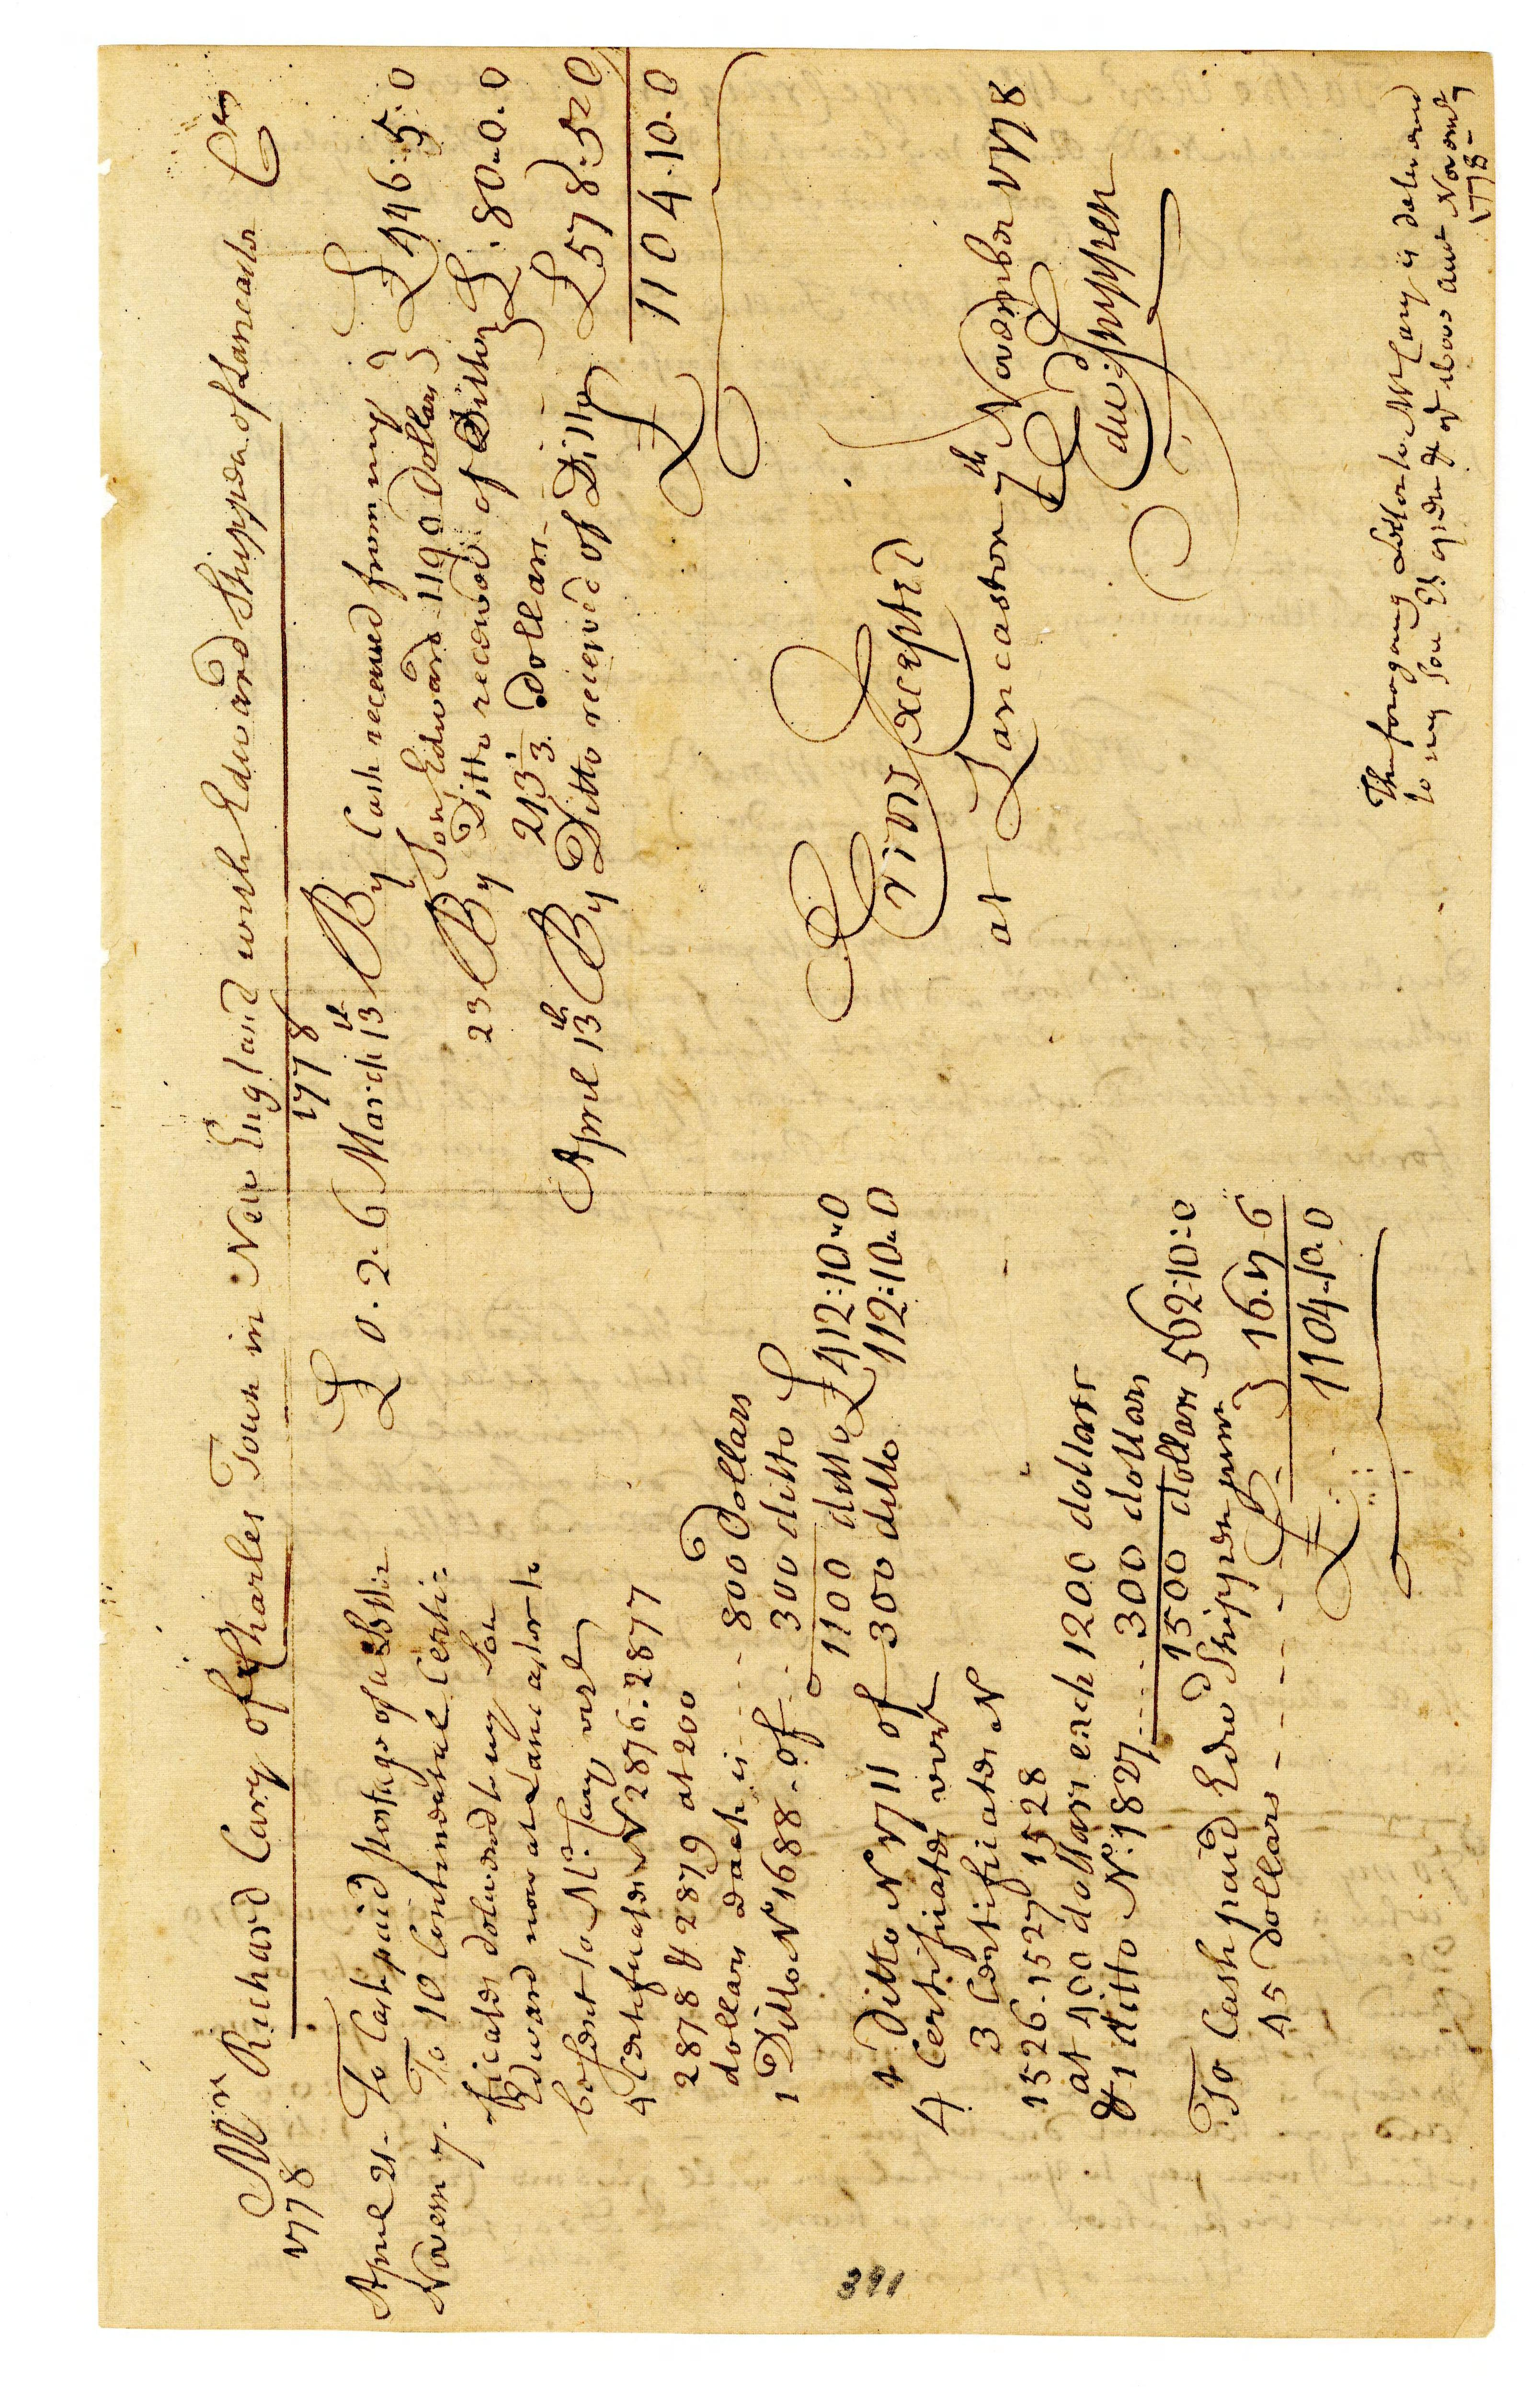M^r Richard Cary of Charles Town in New England with Edward Shippen of Lancaster C^opy
1778
April 21- To Cash paid postage of a Letter
Novem 7. To 10 Continental Certi-
-ficates delivered to my Son
Edward now at Lancaster to
be sent to M^r. Cary viz^t
4 Certificates N 2876. 2877
2878 & 2879 at 200
dollars back is ---- 800 dollars
1 Ditto N^o-1688 of.. 300 ditto
1100 ditto £412:10..0
+ditto N 1711 of 300 ditto 112:10..0
4 Certificates viz^t
2 Certificates N^o
1526.1527 1528
at 400 dollars each 1200 dollars
& 1 ditto N^o. 1827 .... 300 dollars
1500 dollars 562:10:0
To Cash paid Edw^d Shippen jun^r
45 dollars--------£316.17.6
1104..10.0
1778
£0.2.6 March 13^th By Cash received from my
Son Edward 1190 dollars
£446:5:0
23 By Ditto received of Ditto
£ 80..0.0
213 1/3. dollars.....
April 13^th By Ditto received by Ditto
£578.5 0
₤ 1104.10.0
Errors Excepted
at Lancaster 7^th November 1778
Edw^d. Shippen
The foregoing Letter to M^r Cary is delivered
to my Son ES & y^e above acc^t Novem^r
1778-